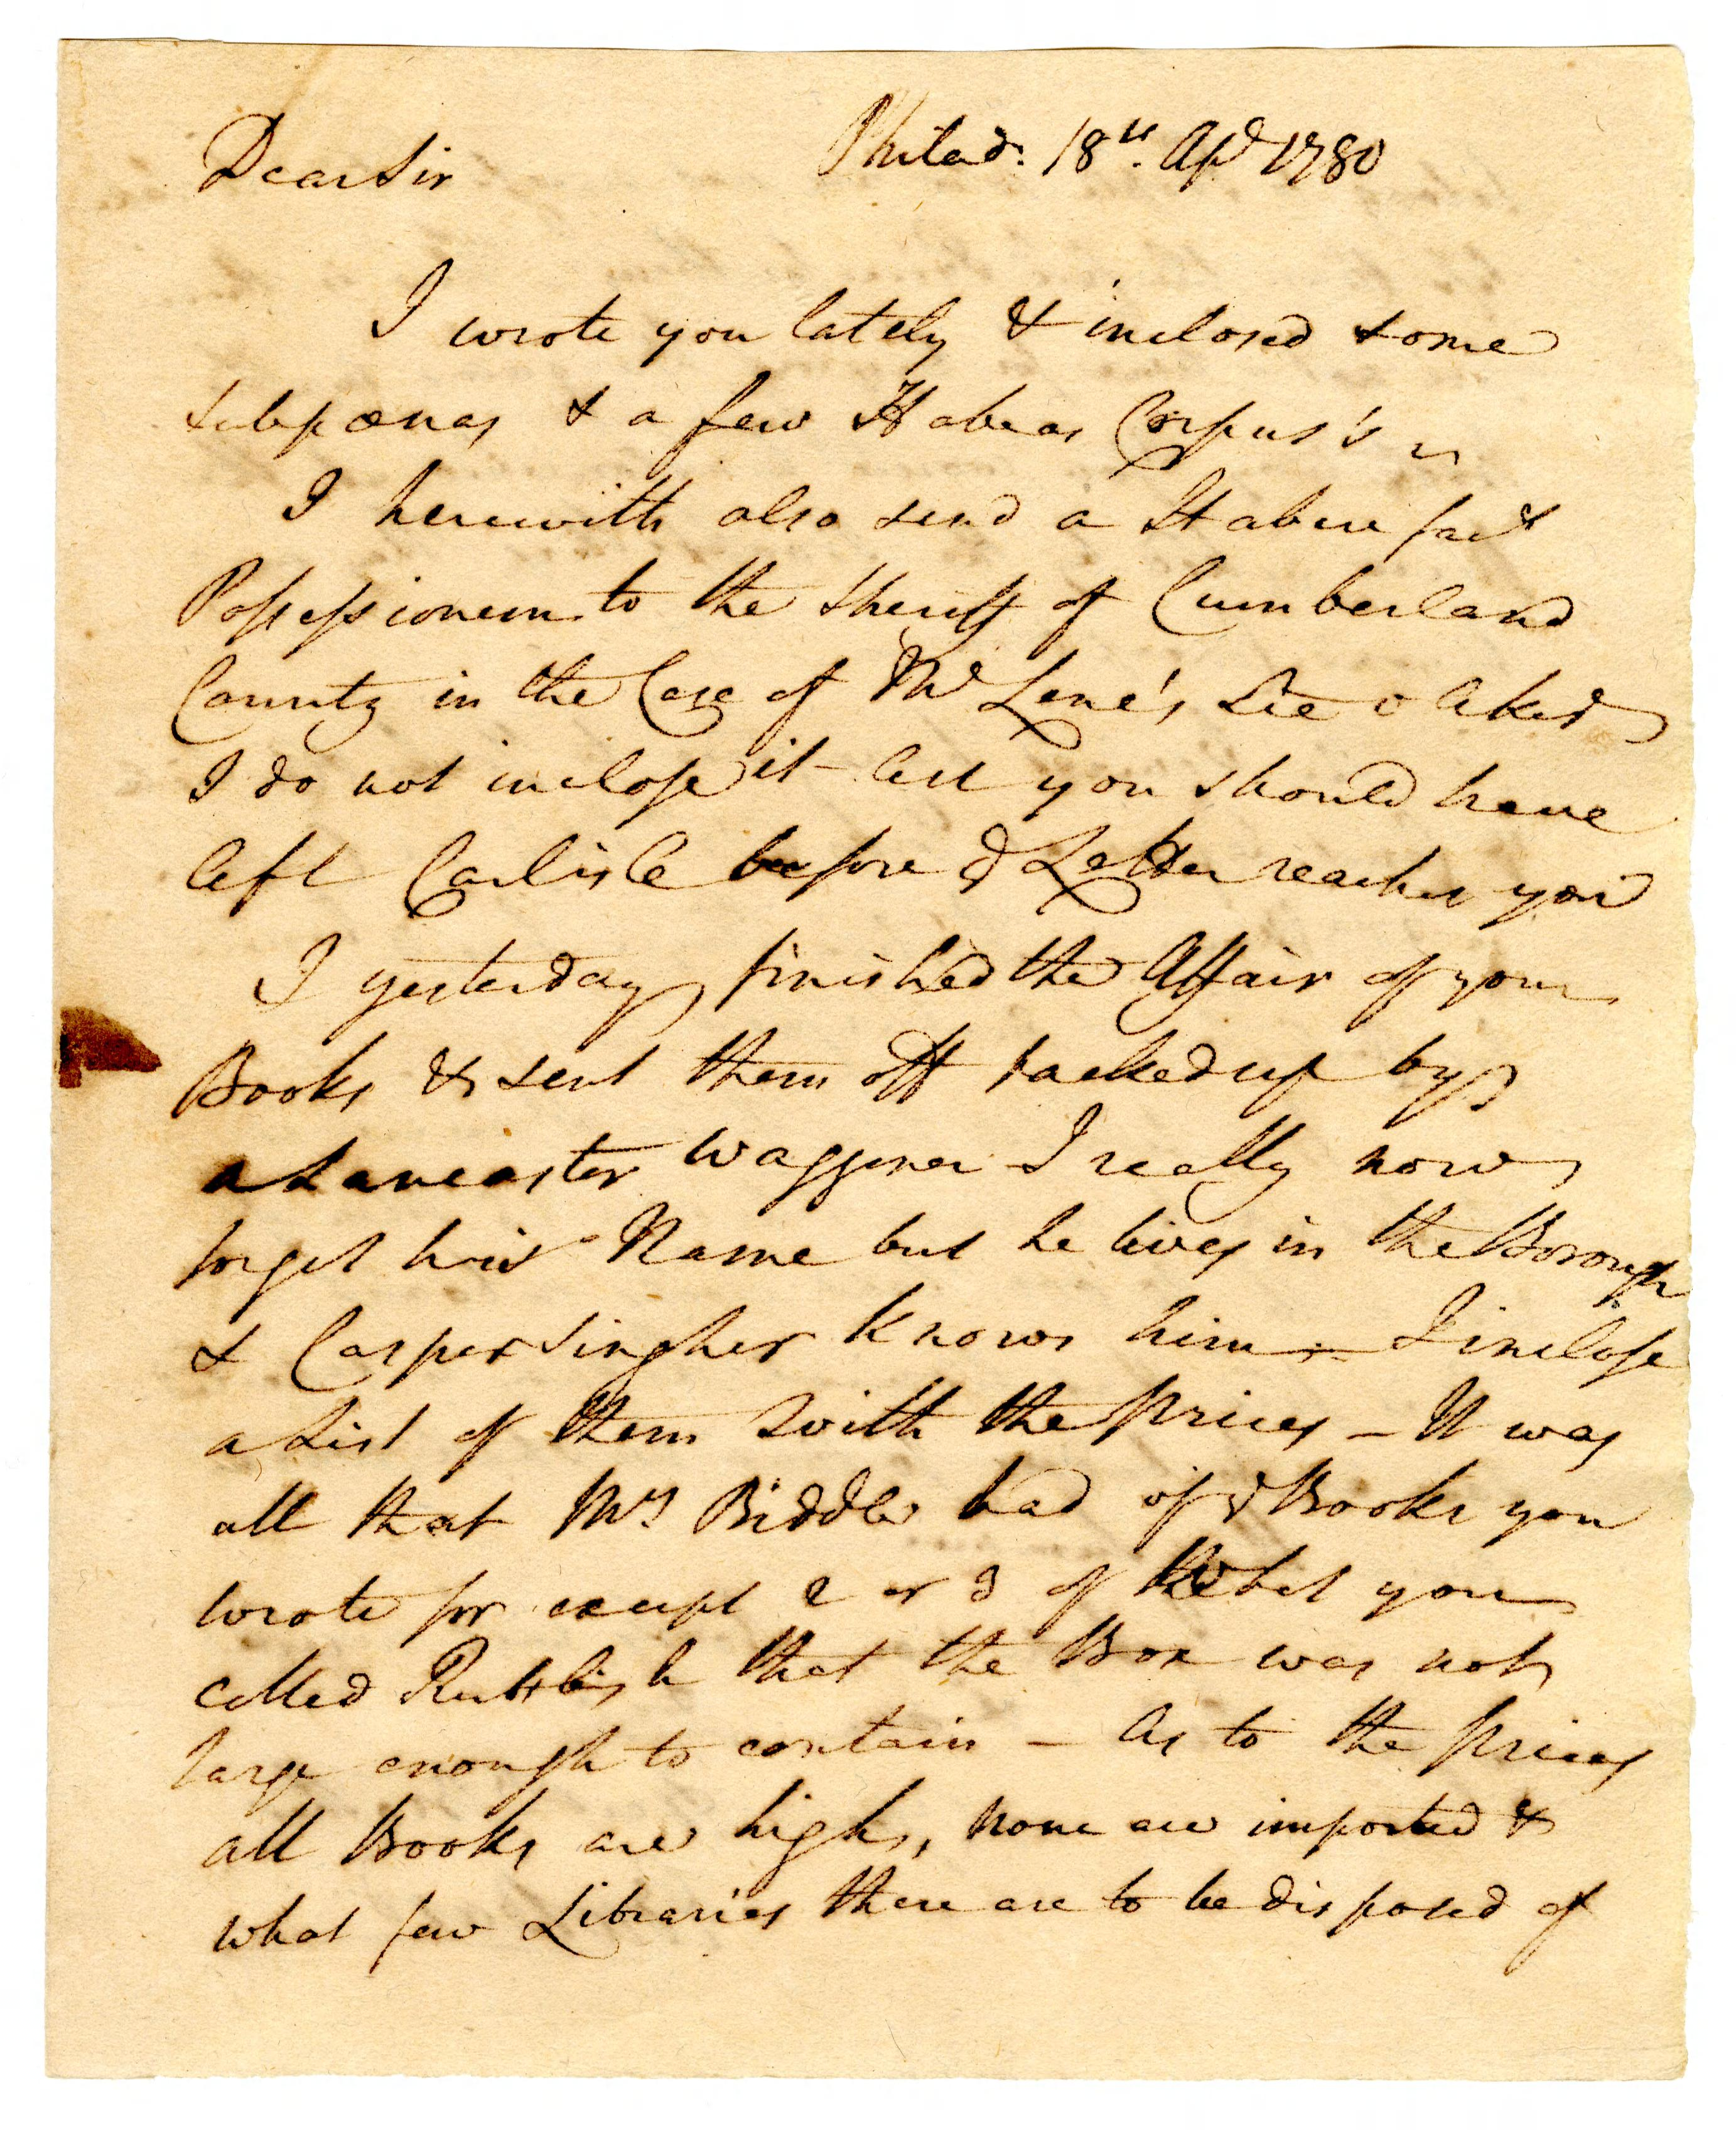Philad: 18^th. Ap^r 1780
Dear Sir
I wrote you lately & inclosed some
Subponas & a few Habeas Corpus's
I herewith also send a Stabere fact
Possessioneen to the sheriff of Cumberland
County in the Case of the Lane's Lie o Aket
I do not inclose it but you should have
left Carlisle before y^e Letter reaches you
I yesterday finished the Affair of your
Books & sent them off packed up by
a Lancaster waggoner I really now
forget his Name but he leves in the Borough
& Casper Singher knows him. Inclose
a List of them with the prices. It was
all that M^rs. Biddle had of y^e Books you
wrote for except 2 or 3 of what you
called Rubbish that the Box was not
large enoush to contain. As to the prices
all Books are highs, none are imported &
what few Libraries there are to be disposed of